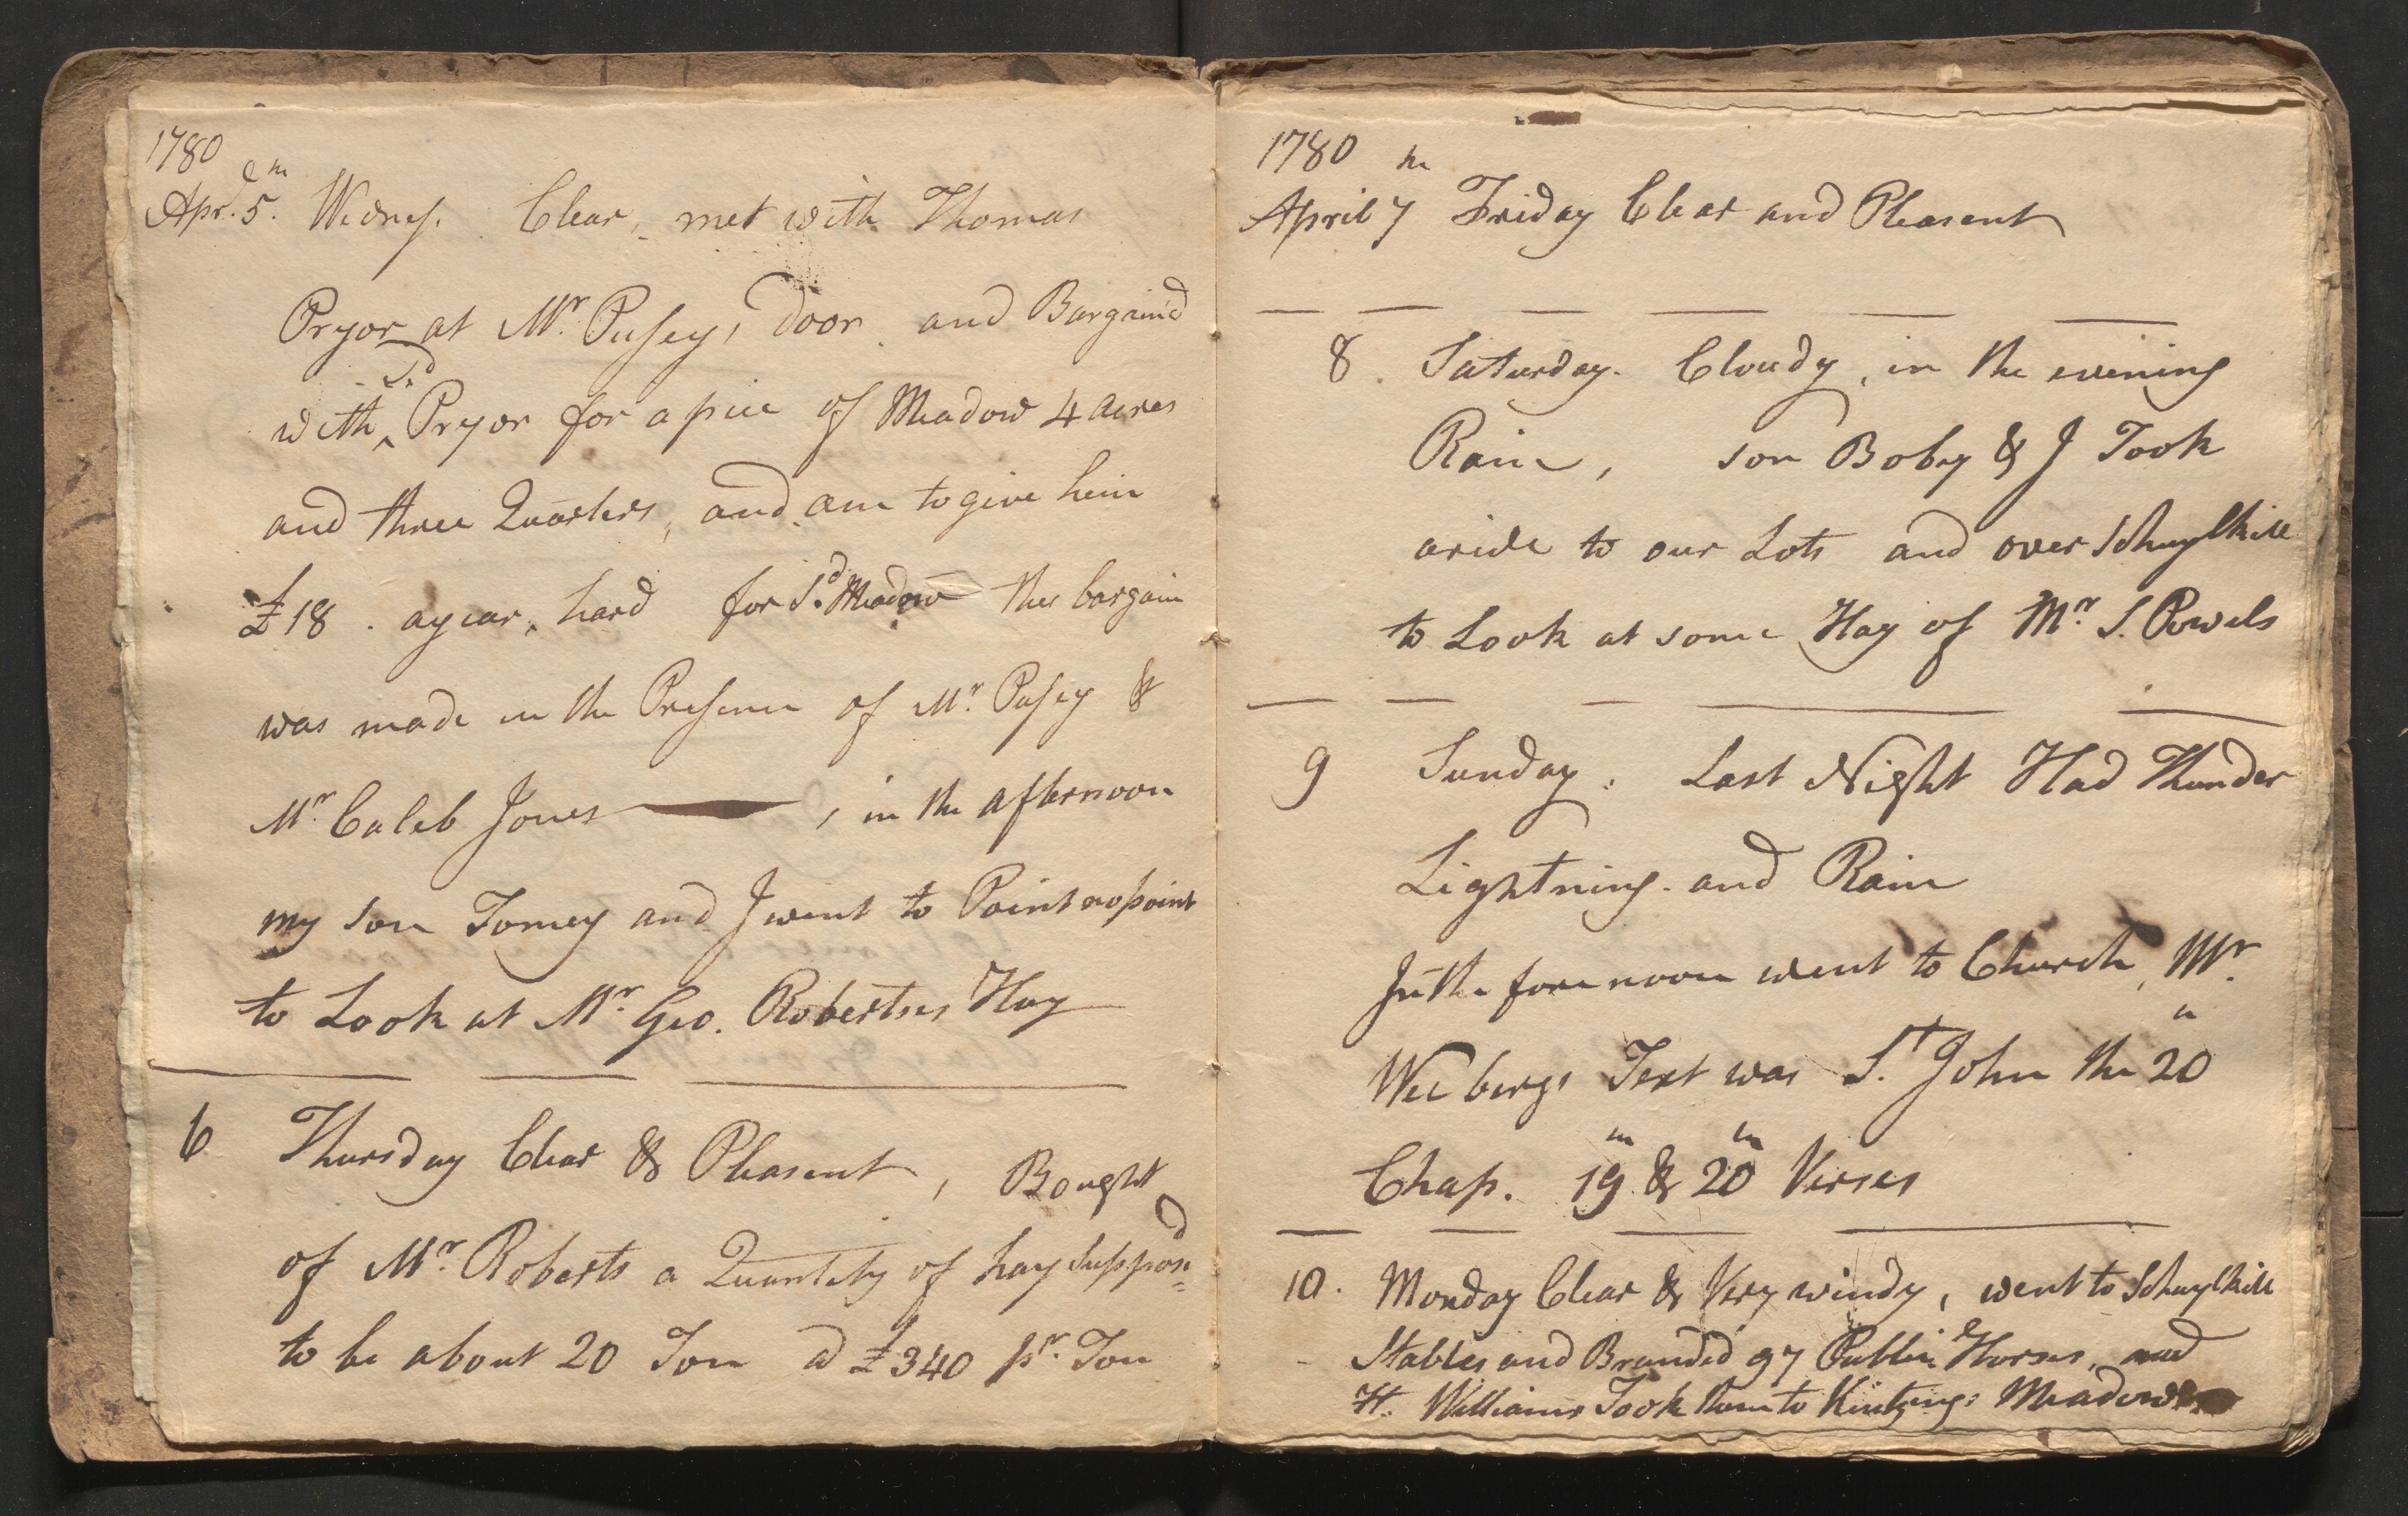1780
Apr. 5^th. Wednes. Clear, met with Thomas
Pryor at M^r. Puseys door and Bargained
s^d.
with ^ Pryor for a pice of Meadow 4 Acres
and three Quarters, and am to give him
£18. a year hard for s^d. Meadow the bargain
was made in the Presence of M^r. Pusey &
M^r Caleb Jones, in the afternoon
my son Tomey and I went to Pointnopoint
to Look at M^r. Geo Robertses Hay
6 Thursday Clear & Pleasent, Bought
of M^r. Roberts a Quantity of hay suppos^d
to be about 20 Ton @ £340 p^r. Ton
April 7^th Friday Clear and Pleasent
1780
8 Saturday. Cloudy, in the evening
Rain, son Bobey & I Took
a ride to our Lots and over Schuylkill
to Look at some Hay of M^r. S. Powels
9 Sunday. Last Night Had Thunder
Lightning. and Rain
Inthe forenoon went to Church M^r.
Weibergs Text was S^t. John the 20th
Chap. 19^th. & 20^th Verses
10. Monday Clear & Very windy, went to Schuylkill
Stables and Branded 97 Public Horses, and
H. Williains Took them to Kintzingr Meadow